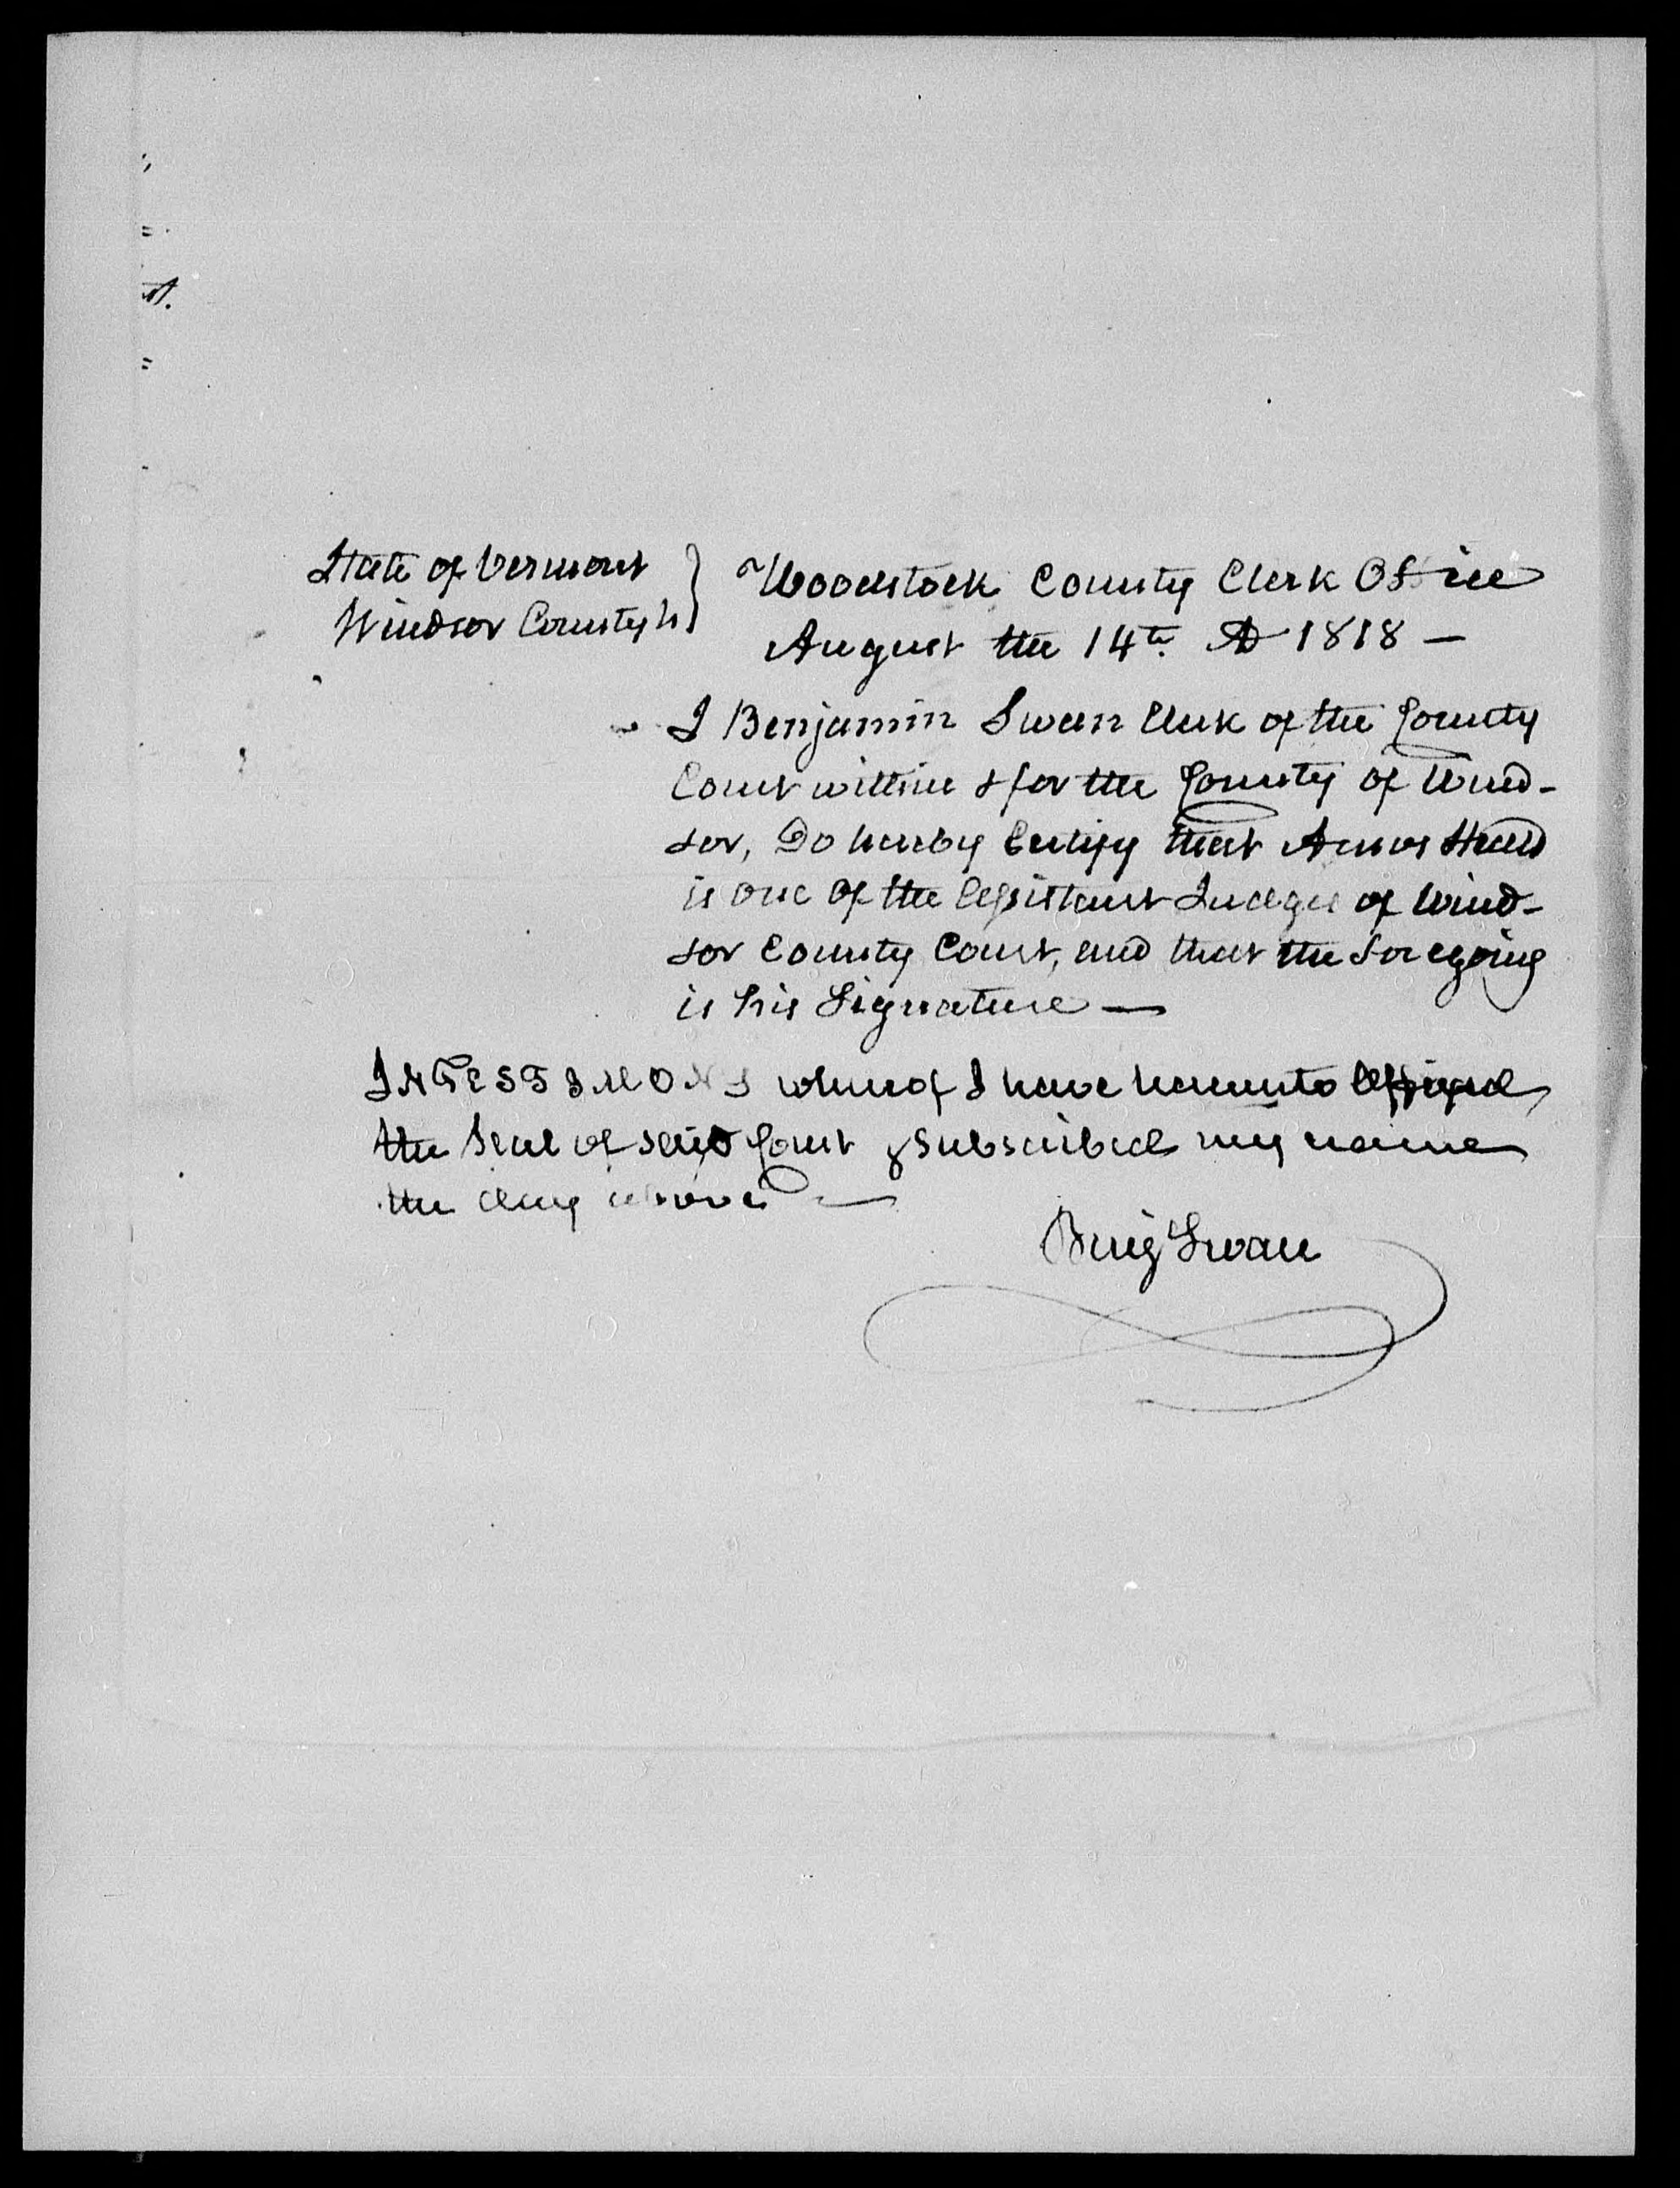State of Vermont
Windsor County 
Woodstock County Clerk Office 
August the 14th AD 1818- 

I Benjamin Swan Clerk of the County Court within & for the County of Windsor , do hereby certify that Amos Heald is one of the Assistant Judge of Windsor County Court, and that the foregoing is his Signature-

In testimony whereof I have hereunto affixed the Seal of said Court & subscribed my name the day above -
Benj Swan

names: Benjamin Swan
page: 8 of 12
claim: survivor's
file: S. 40,907, for John Knowze, Massachusetts